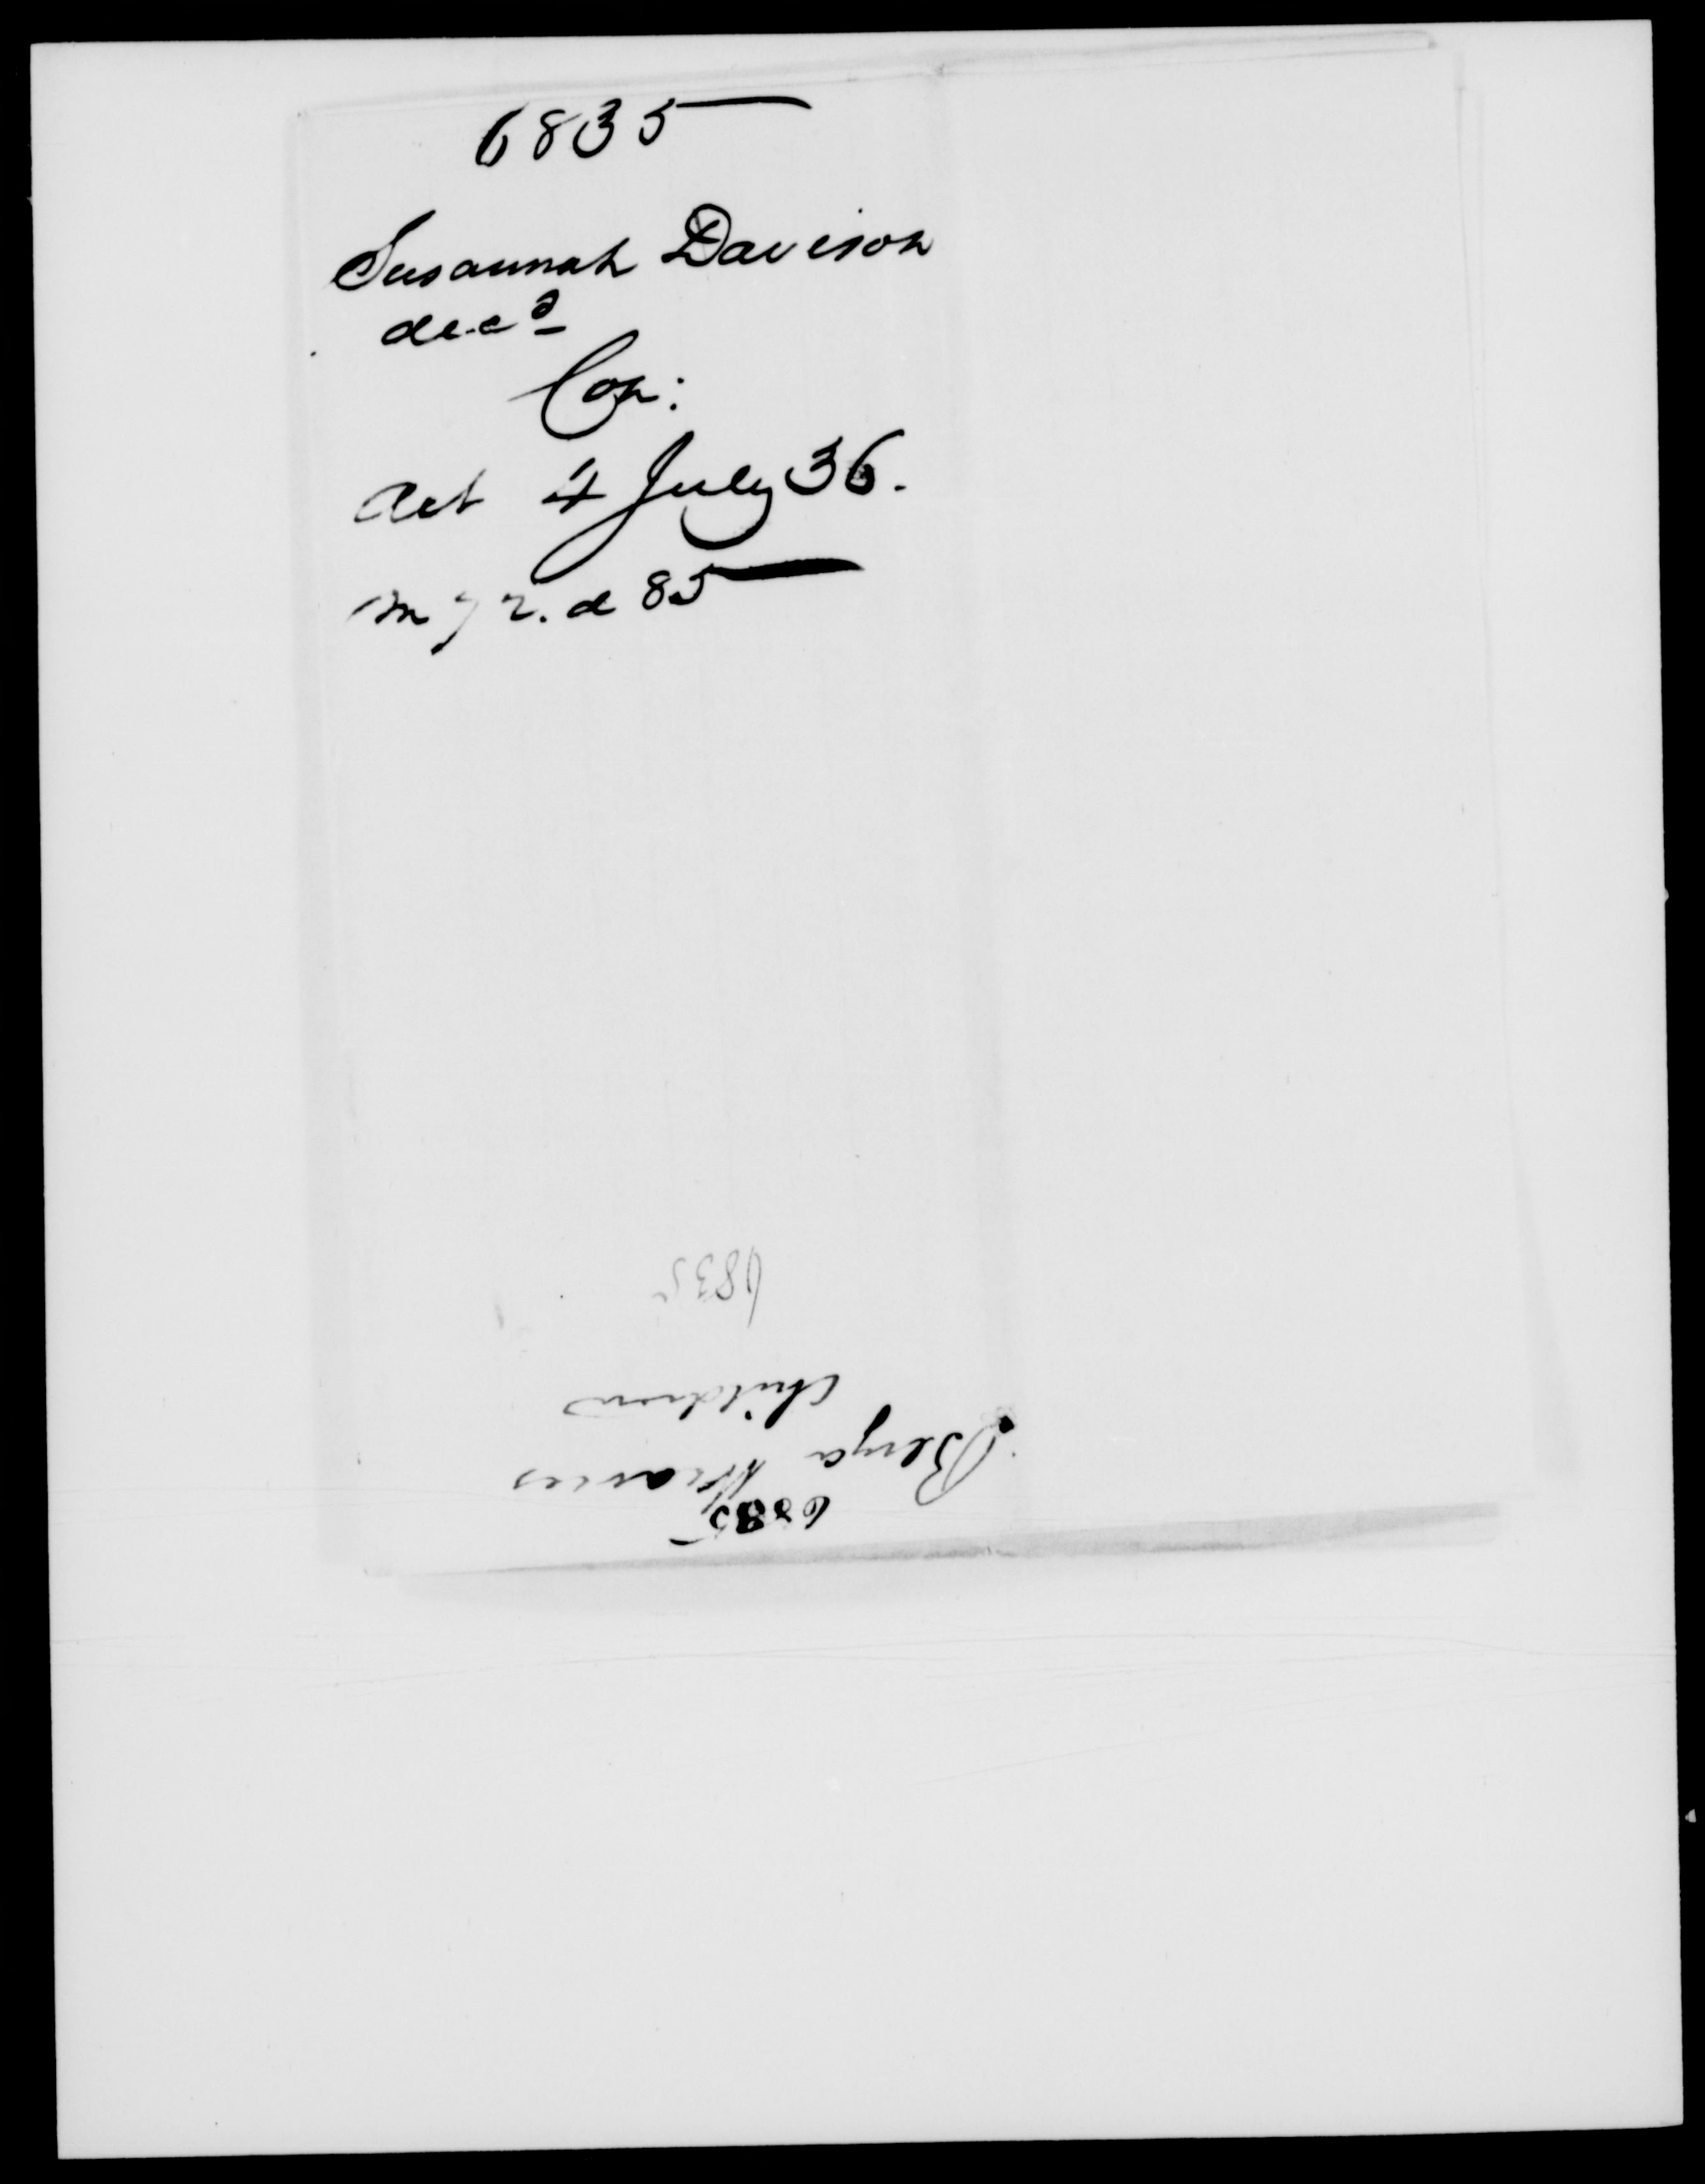6835

Susannah Davison
Decd

Con:
Act 4 July 36.
m 72 d 85

[upside down at bottom is:]
6835
Benjamin Weaver
Children
6835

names: Susannah Davison, Benja Weaver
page: 11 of 53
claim: widow's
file: W 17707, Benjamin Weaver, R.I.